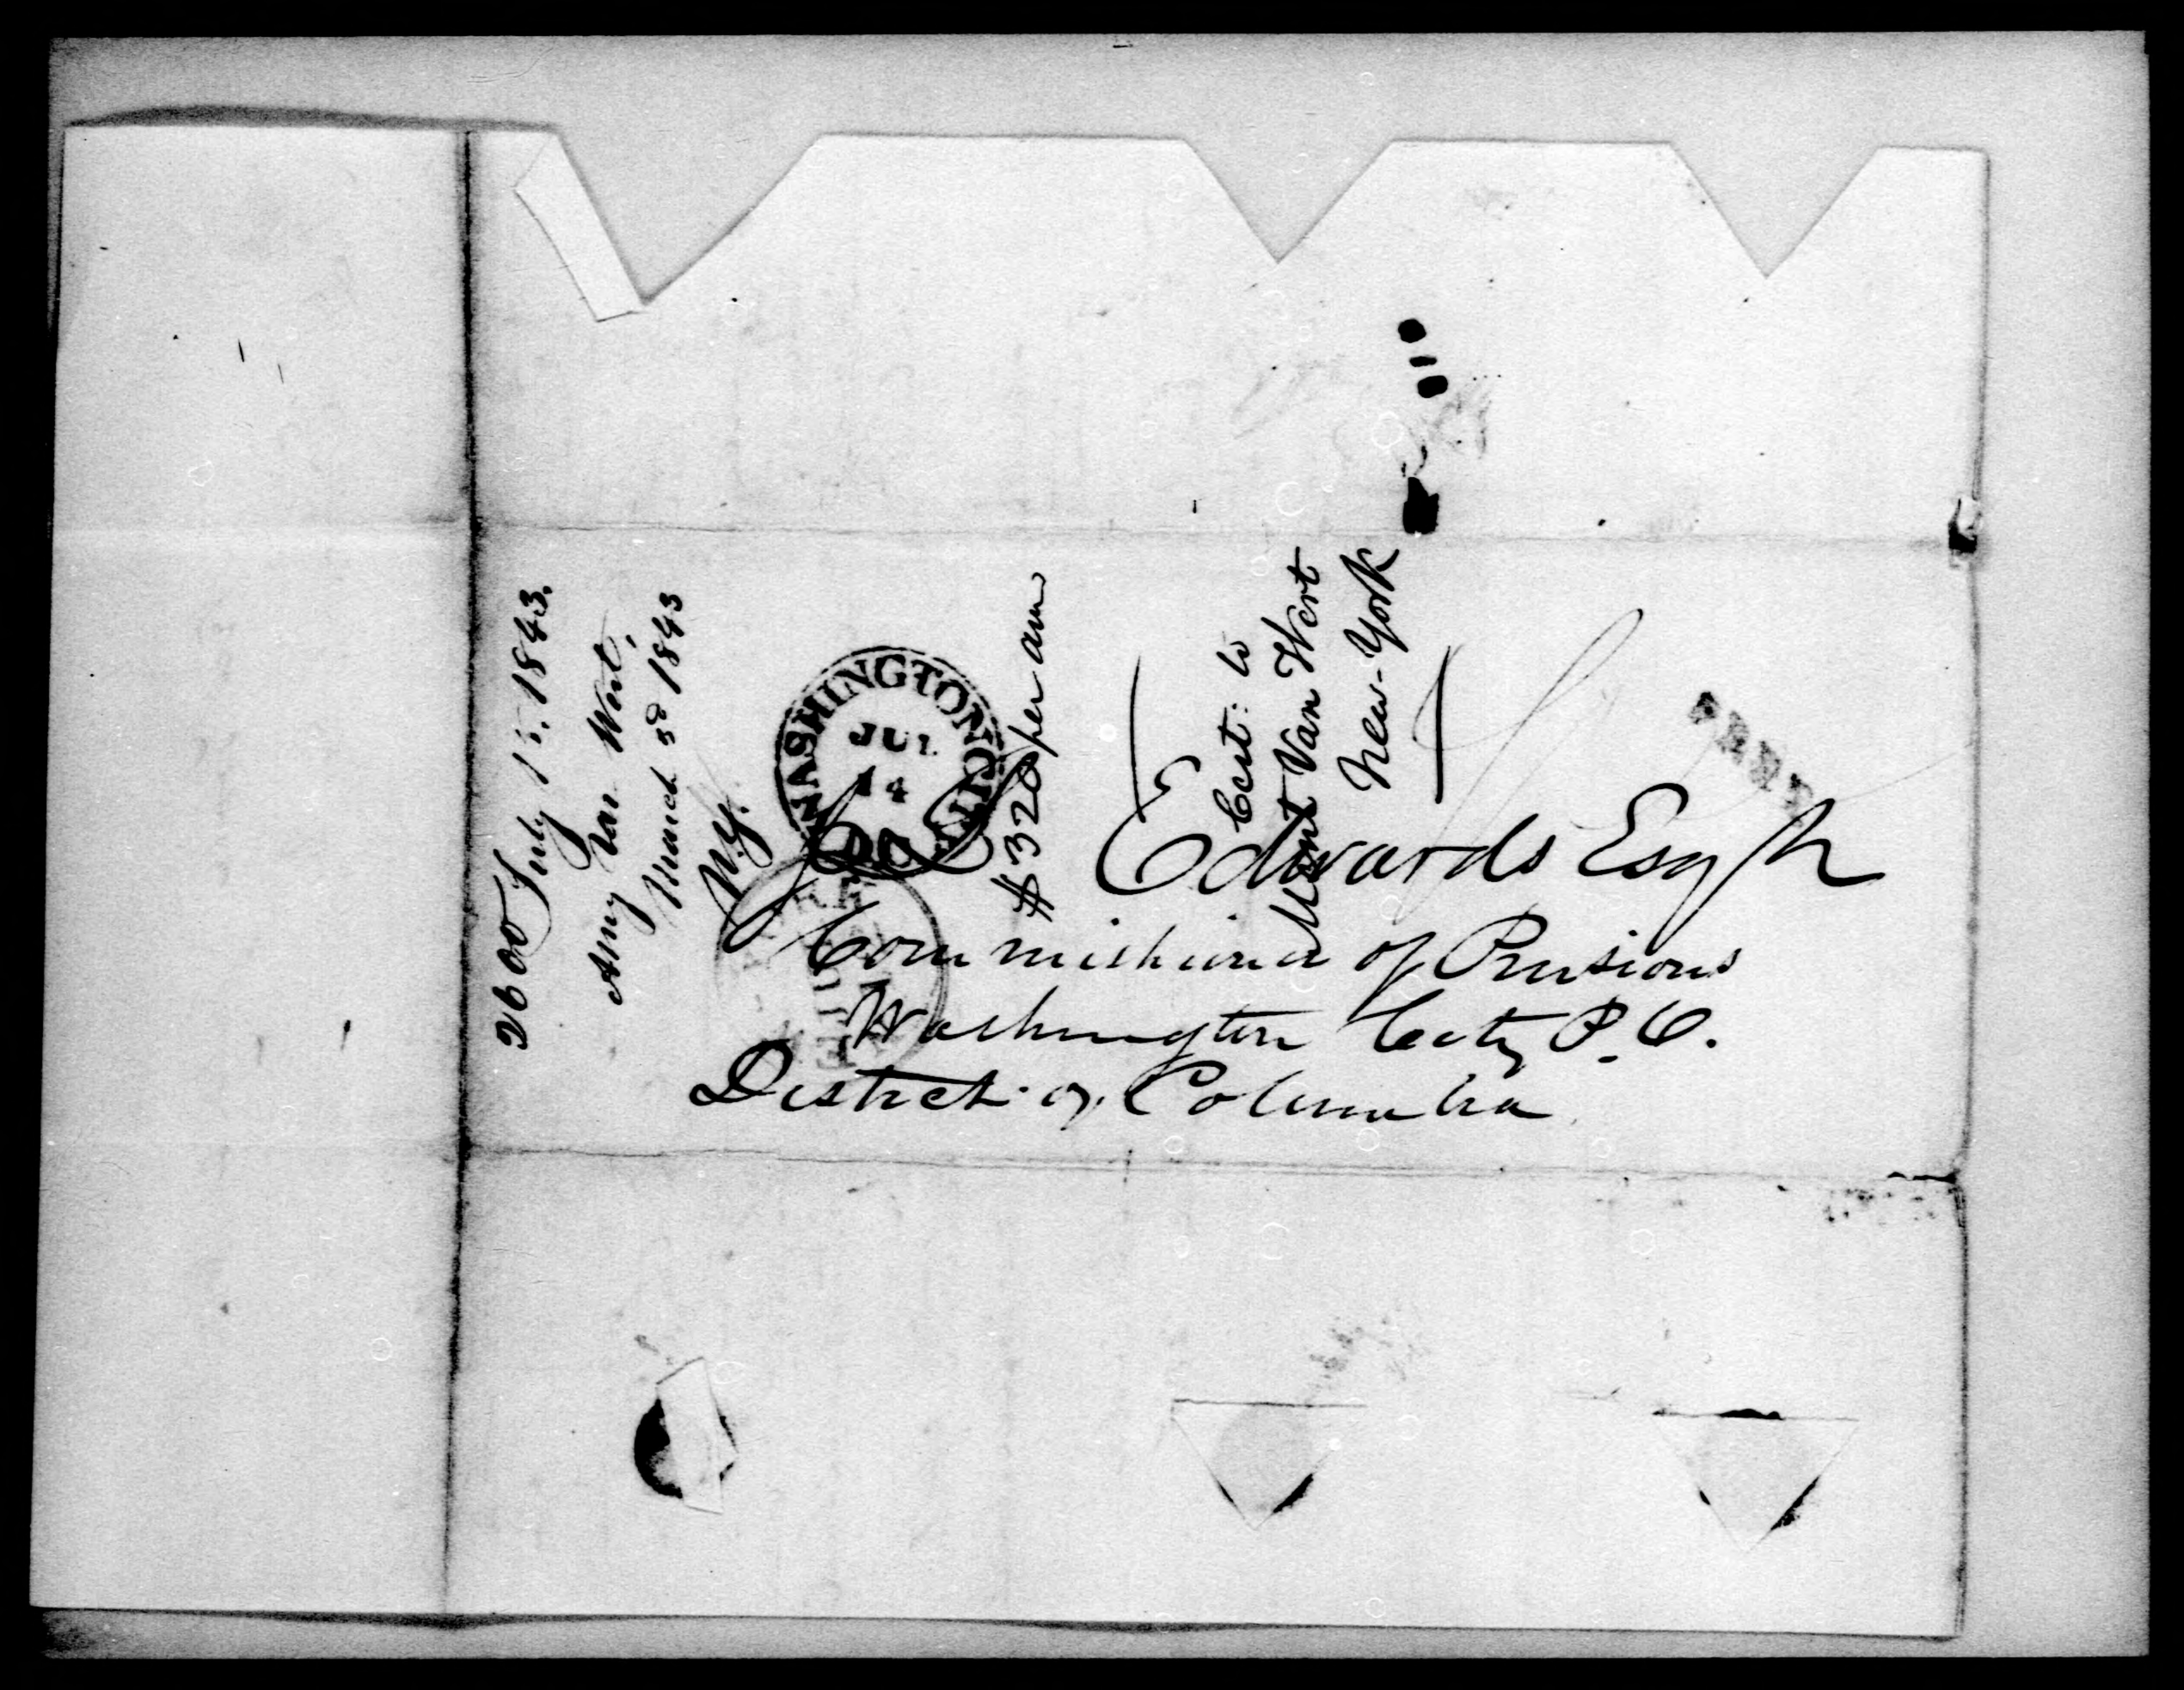[addressee]
J. L. Edwards Esqr
Commissioner of Pensions
Washington City P.O.
District of Columbia

[postmarked Washington DC Jul 14]

26.00 July 15, 1843.
Amy Van Wart
March 3d 1843 N.Y.

$320 per ann.
Cert: to Merrit Van Wert
New-York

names: Ment Van Wert, J L Edwards, Amy Van Wert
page: 62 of 102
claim: widow's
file: W. 18239, Isaac Van Wart, New York